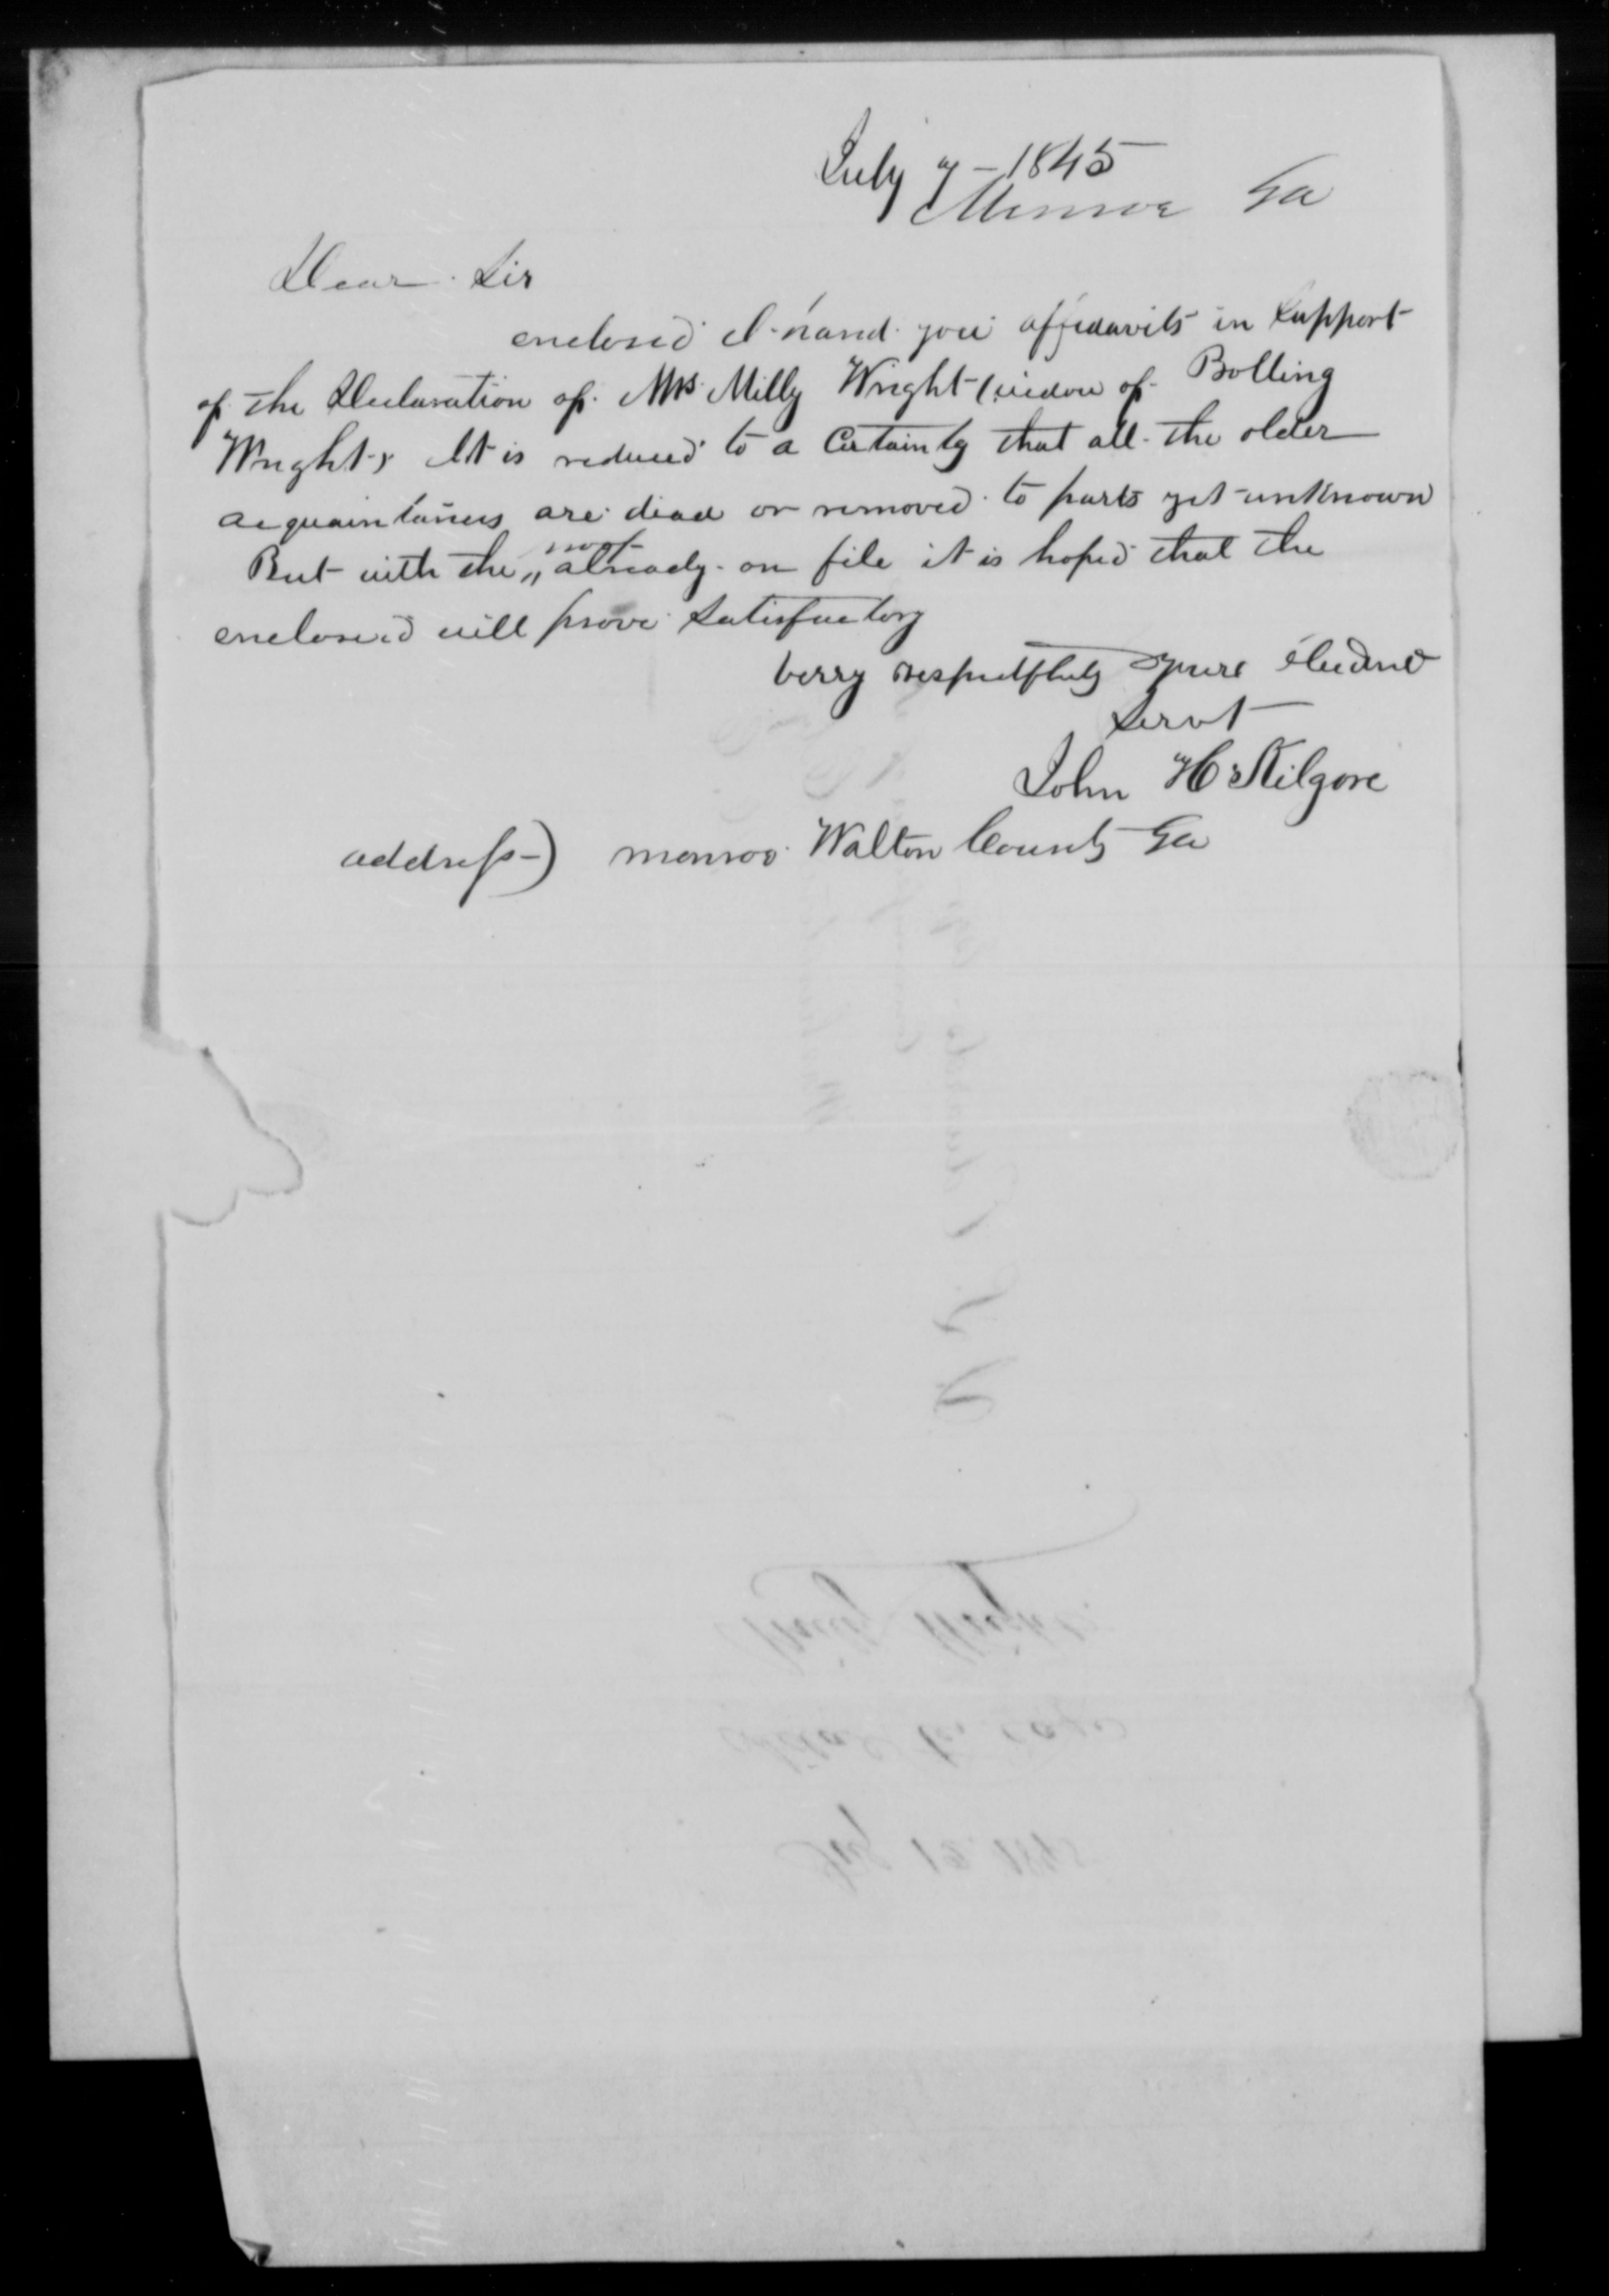July 7. 1845
Monroe Ga

Dear Sir
enclosed I hand you affidavits in support
of the Declaration of Mrs Milly Wright (widow of Bolling
Wright It is reduced to a certainly that all the older
names are dead or removed to parts yet unknown
But with the proof already on file it is hoped that the
enclosed will prove satisfactory
Verry respectfully your obedient
Servt
John H Kilgore
address-) Monroe Walton County Geo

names: John H Kilgore, Bolling Wright, Milly Wright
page: 52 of 81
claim: widow's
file: W. 5183, Bolling Wright, Va.